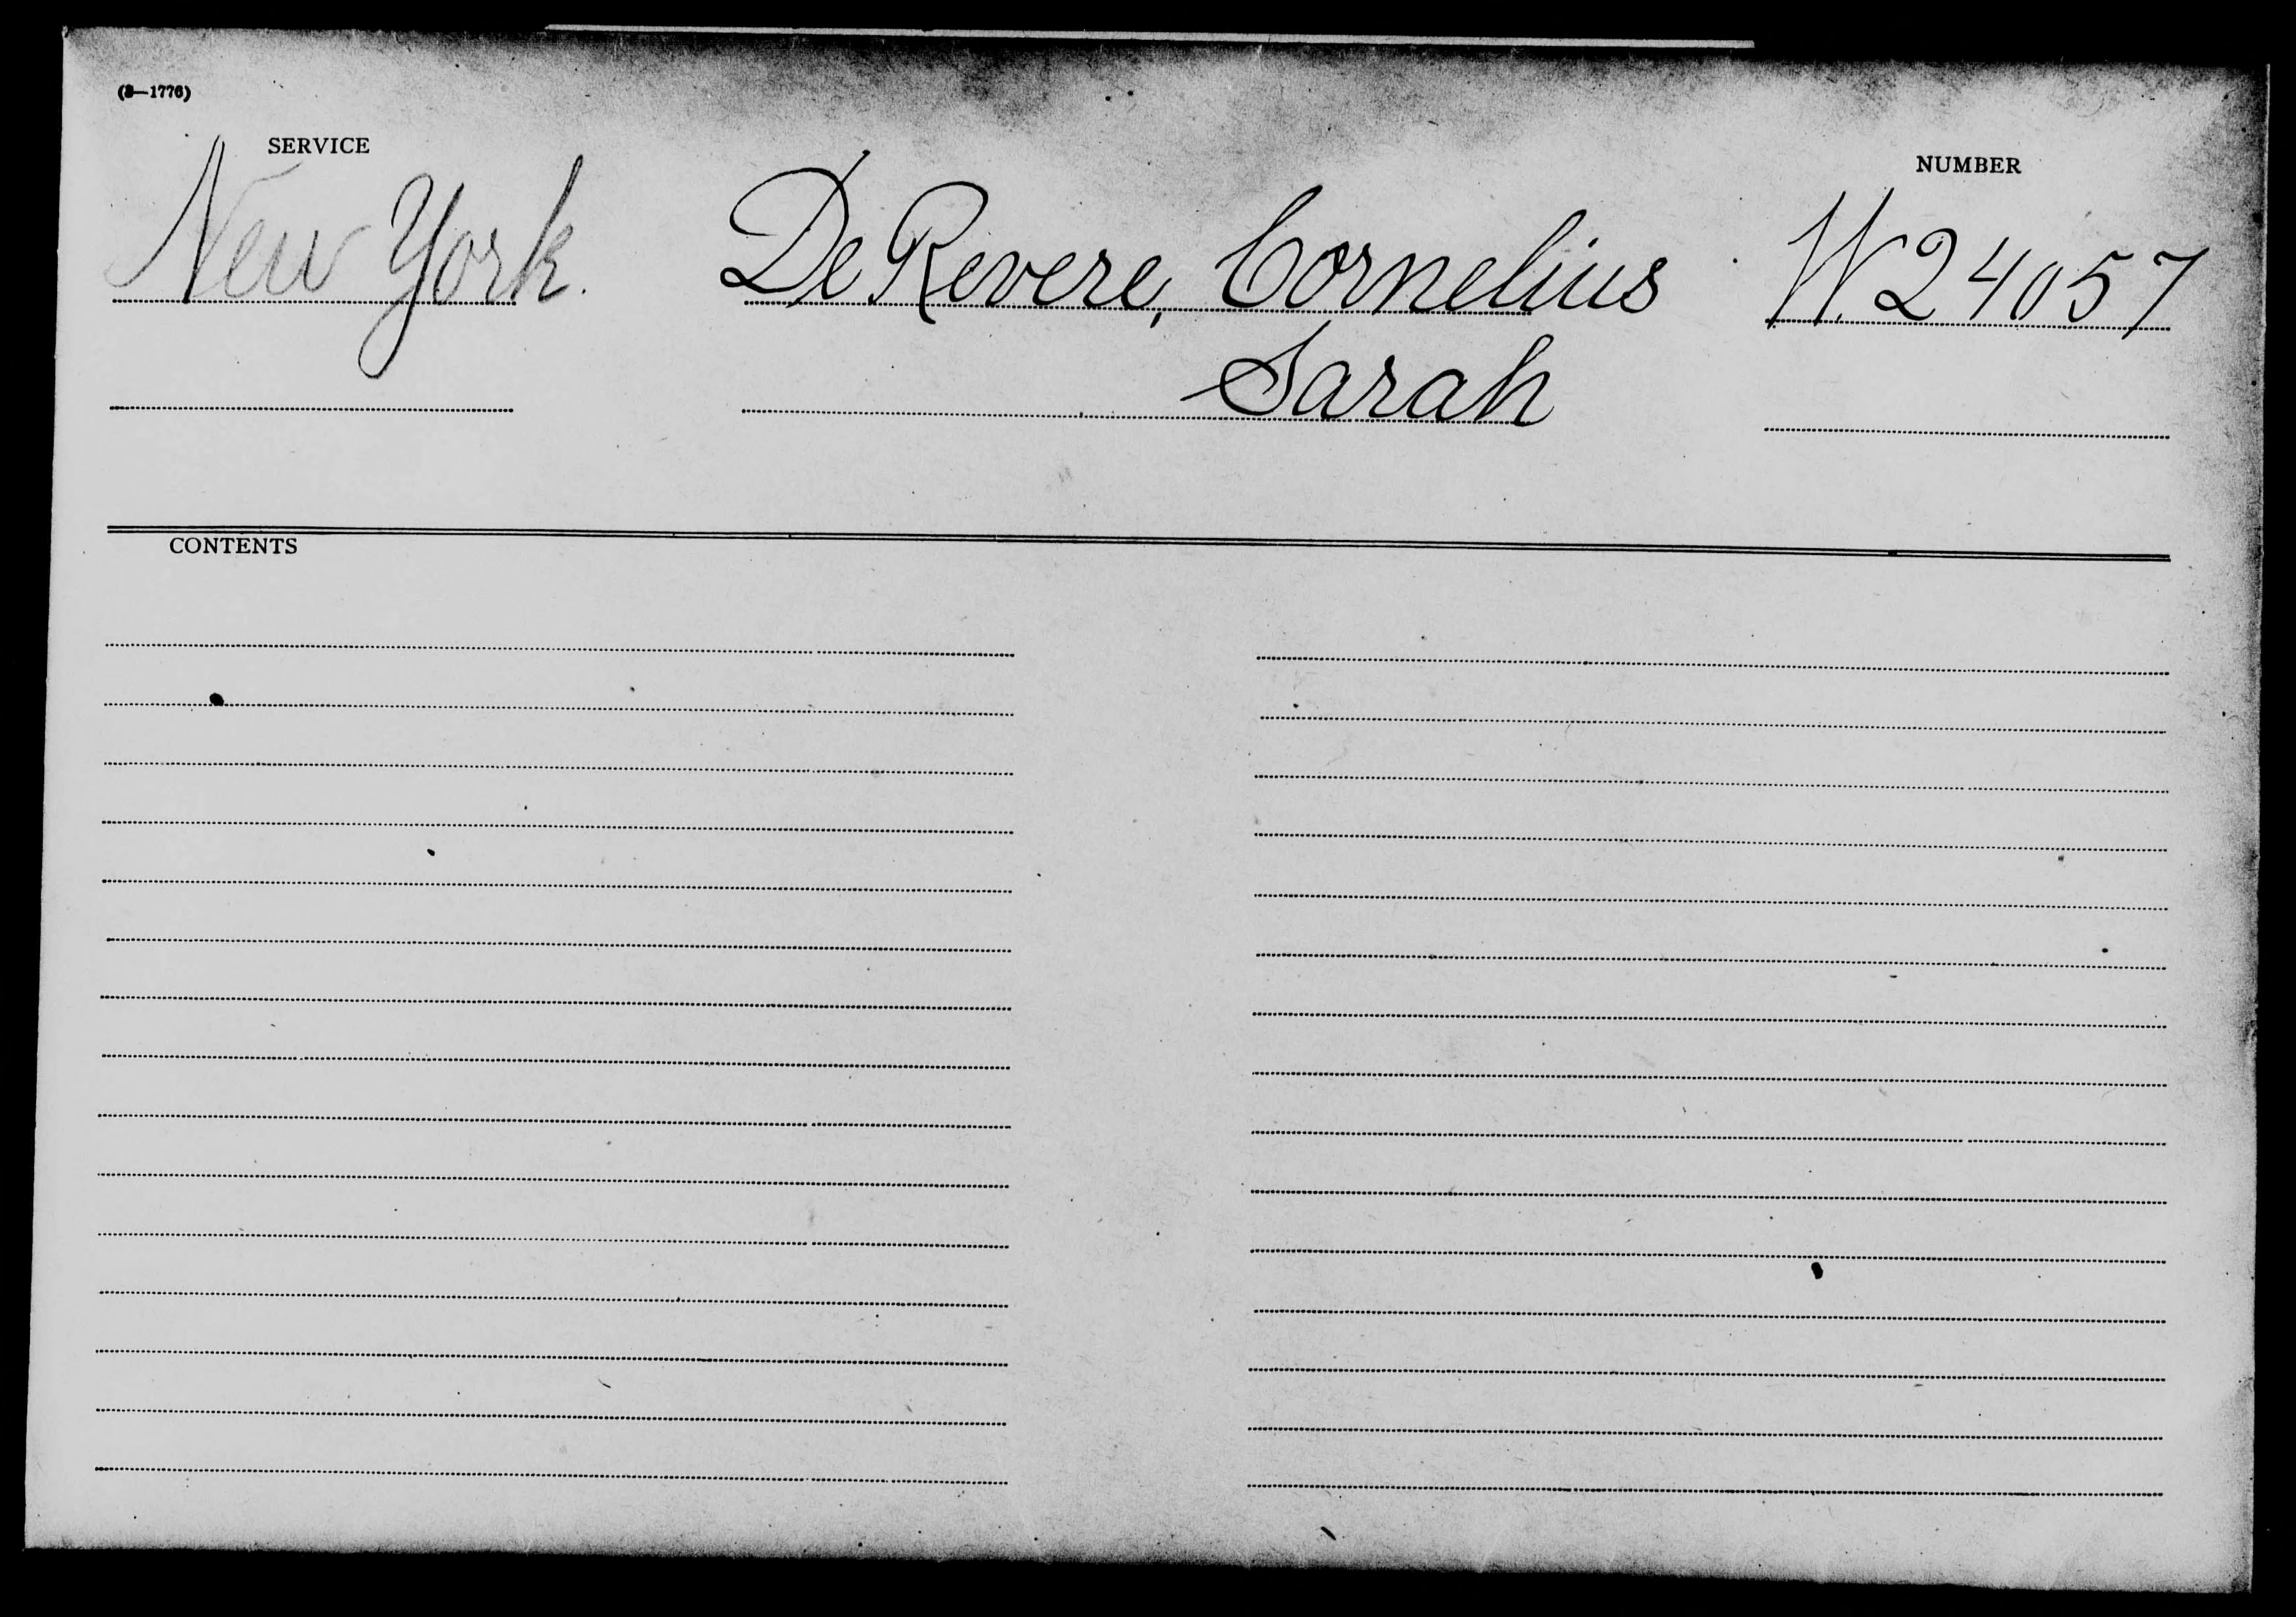(3-1776) 

Service
New York

De Revere, Cornelius
Sarah

Number 
W. 24057

Contents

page: 1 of 40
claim: widow's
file: W. 24057, Cornelius De Revere, New York